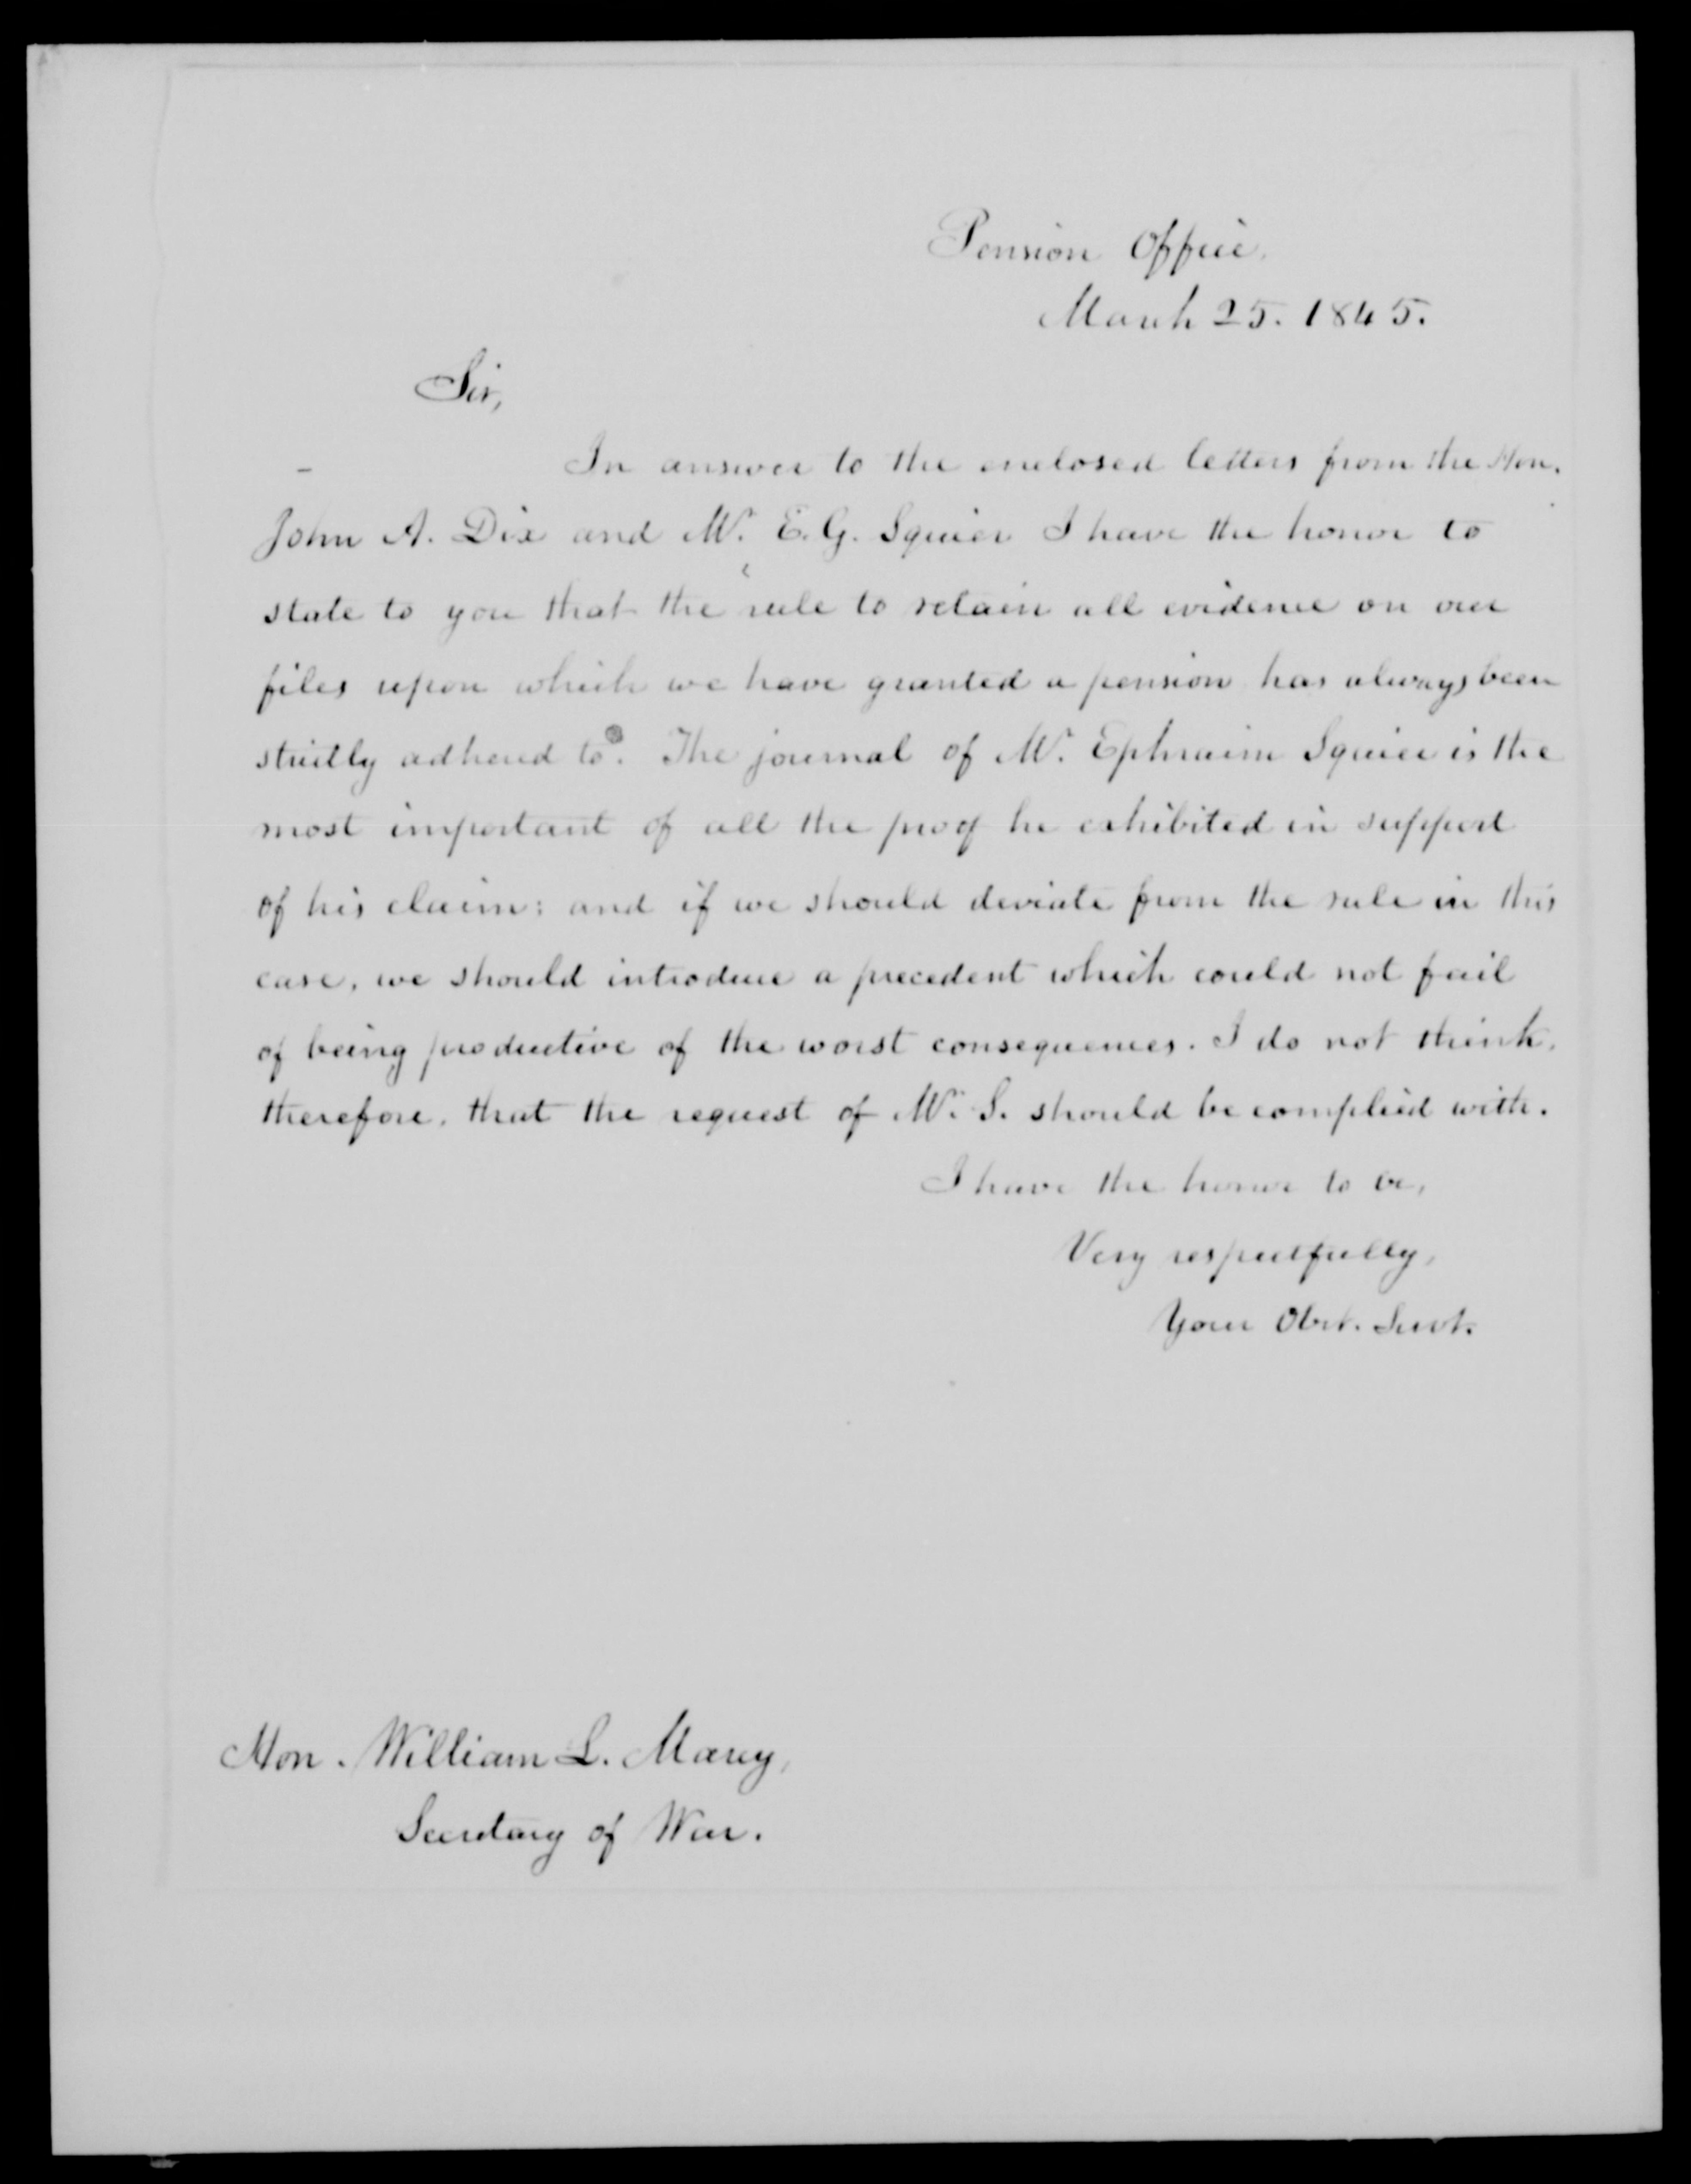Pension Office
March 25, 1845

Sir,
 In answer to the enclosed letters from the Hon. John A. Dix and W. E. G. Squier I have the honor to state to you that the rule to retain all evidence on our files upon which we have granted a pension has always been stricly adhered to. The journal of W. Ephraim Squier is the most important of all the proof he exhibited in support of his claim; and if we should deviate from the rule in this case, we should introduce a precedent which could not fail of being the productive of the worst consequences. I do not think, therefore, that the request of W. S. should be complicit with. 

I have the honor to be, 
Very respectfully 
Your [illegible]


Hon. William L. Marcy
Secretary of War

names: William L Marcy; John A Dix; E G Squier; Ephraim Squier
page: 50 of 70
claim: rejected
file: R. 10,026, for Ephraim Squier, Connecticut